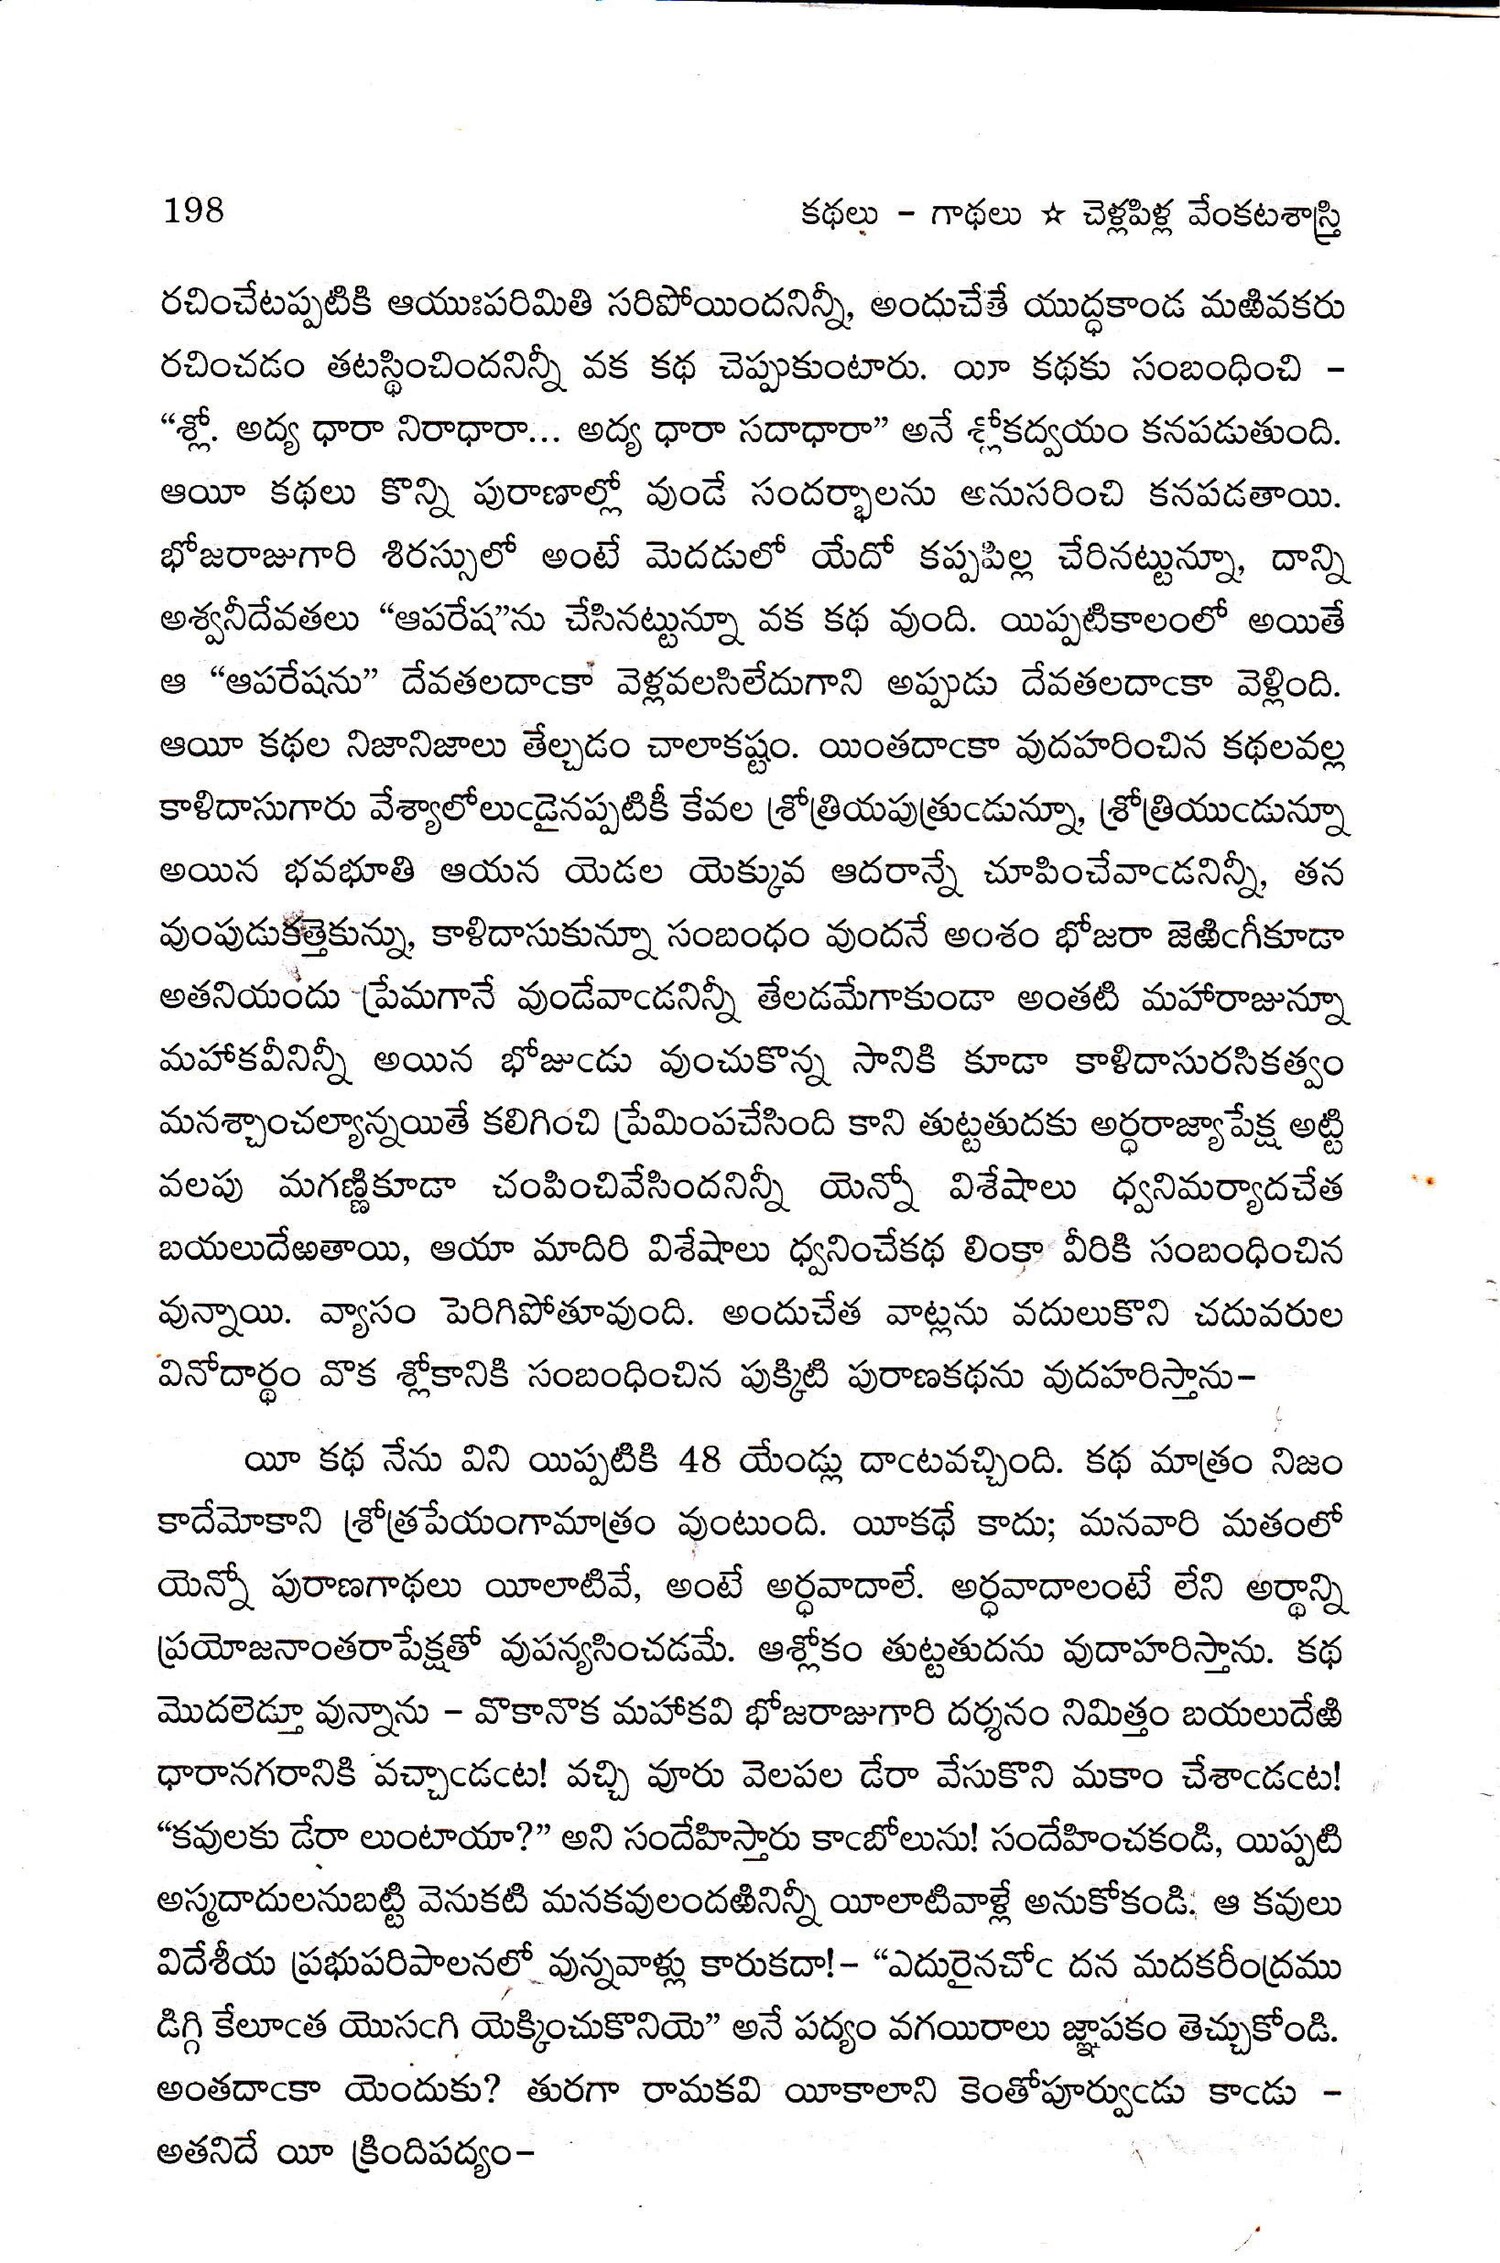రచించేటప్పటికి ఆయుఃపరిమితి సరిపోయిందనిన్నీ అందుచేతే యుద్ధకాండ మఱివకరు రచించడం తటస్థించిందనిన్నీ వక కథ చెప్పకుంటారు. యీ కథకు సంబంధించి - “శ్లో. అద్య ధారా నిరాధారా... అద్య ధారా సదాధారా" అనే శ్లోకద్వయం కనపడుతుంది. ఆయీ కథలు కొన్ని పురాణాల్లో వుండే సందర్భాలను అనుసరించి కనపడతాయి. భోజరాజుగారి శిరస్సులో అంటే మెదడులో యేదో కప్పపిల్ల చేరినట్టున్నూ, దాన్ని అశ్వనీదేవతలు "ఆపరేష"ను చేసినట్టున్నూ వక కథ వుంది. యిప్పటికాలంలో అయితే ఆ “ఆపరేషను" దేవతలదాఁకా వెళ్లవలసిలేదుగాని అప్పుడు దేవతలదాఁకా వెళ్లింది. ఆయీ కథల నిజానిజాలు తేల్చడం చాలాకష్టం. యింతదాఁకా వుదహరించిన కథలవల్ల కాళిదాసుగారు వేశ్యాలోలుఁడైనప్పటికీ కేవల శ్రోత్రియపుత్రుఁడున్నూ, శ్రోత్రియుఁడున్నూ అయిన భవభూతి ఆయన యెడల యెక్కువ ఆదరాన్నే చూపించేవాఁడనిన్నీ తన వుంపుడుకత్తెకున్న కాళిదాసుకున్నూ సంబంధం వుందనే అంశం భోజరా జెఱిఁగీకూడా అతనియందు ప్రేమగానే వుండేవాఁడనిన్నీ తేలడమేగాకుండా అంతటి మహారాజున్నూ మహాకవీనిన్నీ అయిన భోజుఁడు వుంచుకొన్న సానికి కూడా కాళిదాసురసికత్వం మనశ్చాంచల్యాన్నయితే కలిగించి ప్రేమింపచేసింది కాని తుట్టతుదకు అర్ధరాజ్యాపేక్ష అట్టి వలపు మగణ్ణికూడా చంపించివేసిందనిన్నీ యెన్నో విశేషాలు ధ్వనిమర్యాదచేత బయలుదేఱతాయి, ఆయా మాదిరి విశేషాలు ధ్వనించేకథ లింకా వీరికి సంబంధించిన వున్నాయి. వ్యాసం పెరిగిపోతూవుంది. అందుచేత వాట్లను వదులుకొని చదువరుల వినోదార్థం వొక శ్లోకానికి సంబంధించిన పుక్కిటి పురాణకథను వుదహరిస్తాను

యీ కథ నేను విని యిప్పటికి 48 యేండ్లు దాఁటవచ్చింది. కథ మాత్రం నిజం కాదేమోకాని శ్రోత్రపేయంగామాత్రం వుంటుంది. యీకథే కాదు; మనవారి మతంలో యెన్నో పురాణగాథలు యీలాటివే, అంటే అర్ధవాదాలే. అర్ధవాదాలంటే లేని అర్ధాన్ని ప్రయోజనాంతరాపేక్షతో వుపన్యసించడమే. ఆశ్లోకం తుట్టతుదను వుదాహరిస్తాను. కథ మొదలెడ్తూ వున్నాను - వొకానొక మహాకవి భోజరాజుగారి దర్శనం నిమిత్తం బయలుదేఱి ధారానగరానికి వచ్చాఁడఁట! వచ్చి వూరు వెలపల డేరా వేసుకొని మకాం చేశాఁడఁట! “కవులకు డేరా లుంటాయా?” అని సందేహిస్తారు కాఁబోలును! సందేహించకండి, యిప్పటి అస్మదాదులనుబట్టి వెనుకటి మనకవులందఱినిన్నీ యీలాటివాళ్లే అనుకోకండి. ఆ కవులు విదేశీయ ప్రభుపరిపాలనలో వున్నవాళ్లు కారుకదా!- “ఎదురైనచోఁ దన మదకరీంద్రము డిగ్గి కేలూఁత యొసంగి యెక్కించుకొనియె" అనే పద్యం వగయిరాలు జ్ఞాపకం తెచ్చుకోండి. అంతదాఁకా యెందుకు? తురగా రామకవి యీకాలాని కెంతోపూర్వుఁడు కాcడు - అతనిదే యీ క్రిందిపద్యం-